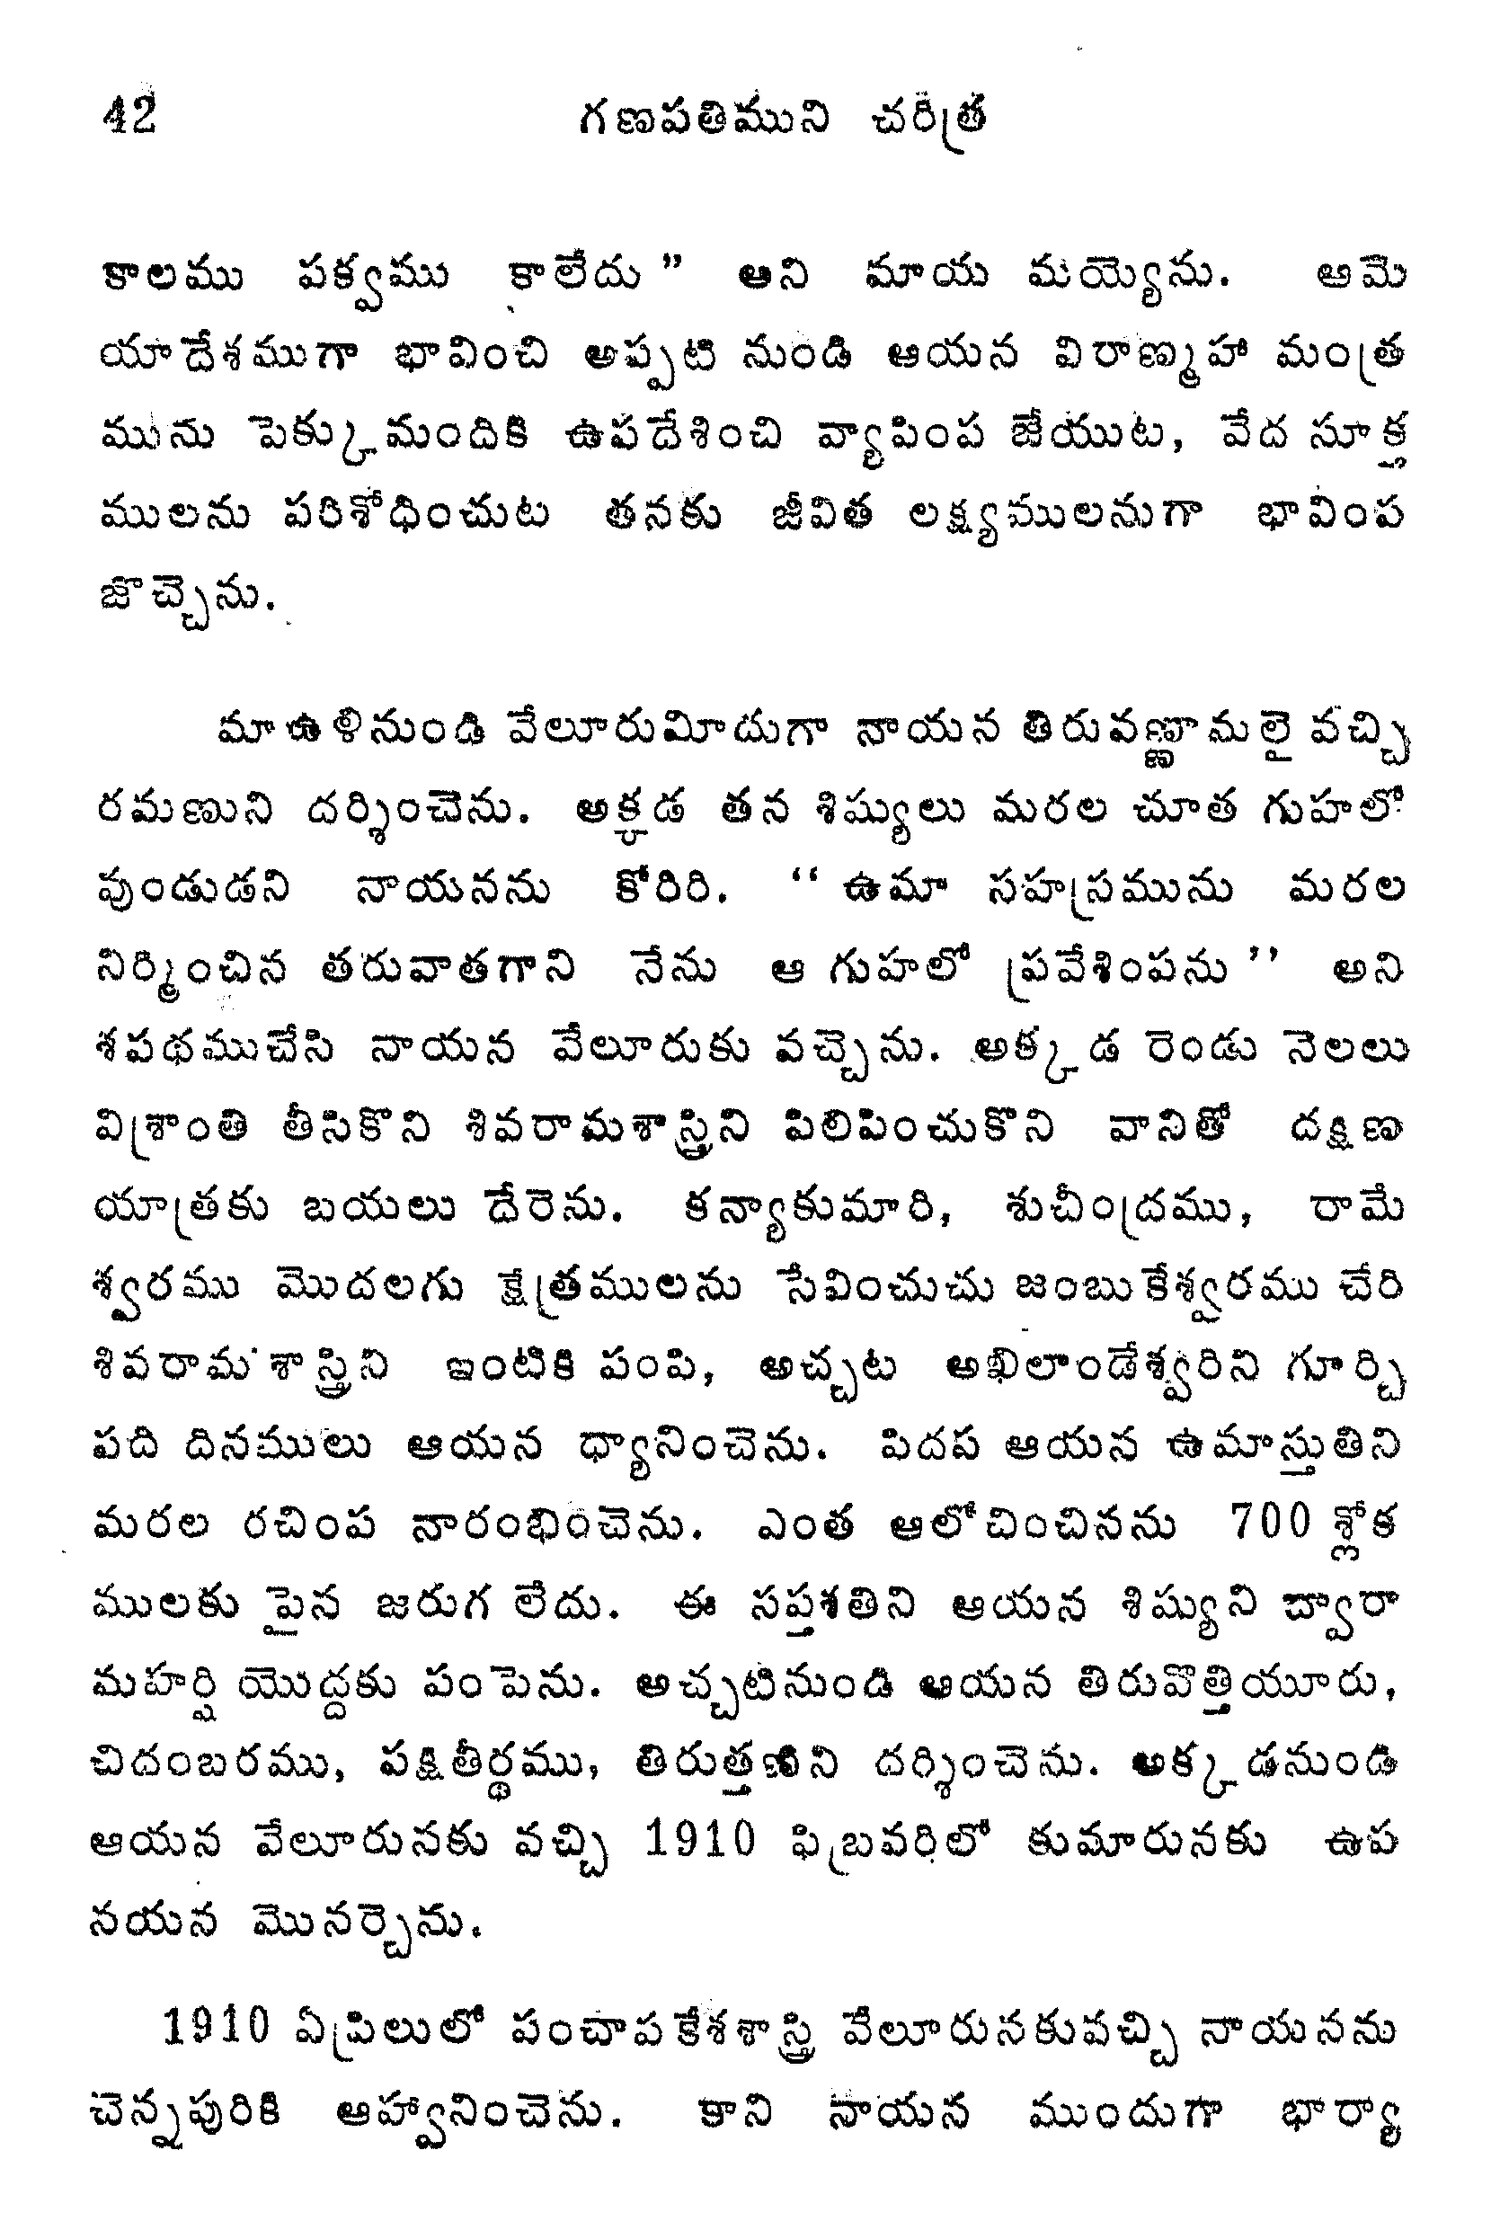కాలము పక్వము కాలేదు" అని మాయ మయ్యెను. ఆమె యాదేశముగా భావించి అప్పటి నుండి ఆయన విరాణ్మహా మంత్రమును పెక్కుమందికి ఉపదేశించి వ్యాపింప జేయుట, వేద సూక్తములను పరిశోధించుట తనకు జీవిత లక్ష్యములనుగా భావింప జొచ్చెను.

మాఉళి నుండి వేలూరుమీదుగా నాయన తిరువణ్ణామలై వచ్చి రమణుని దర్శించెను. అక్కడ తన శిష్యులు మరల చూత గుహలో వుండుడని నాయనను కోరిరి. "ఉమా సహస్రమును మరల నిర్మించిన తరువాతగాని నేను ఆ గుహలో ప్రవేశింపను" అని శపథముచేసి నాయన వేలూరుకు వచ్చెను. అక్కడ రెండు నెలలు విశ్రాంతి తీసికొని శివరామ శాస్త్రిని పిలిపించుకొని వానితో దక్షిణ యాత్రకు బయలు దేరెను. కన్యాకుమారి, శుచీంద్రము, రామేశ్వరము మొదలగు క్షేత్రములను సేవించుచు జంబుకేశ్వరము చేరి శివరామ శాస్త్రిని ఇంటికి పంపి, అచ్చట అఖిలాండేశ్వరిని గూర్చి పది దినములు ఆయన ధ్యానించెను. పిదప ఆయన ఉమాస్తుతిని మరల రచింప నారంభించెను. ఎంత ఆలోచించినను 700 శ్లోకములకు పైన జరుగ లేదు. ఈ సప్తశతిని ఆయన శిష్యుని ద్వారా మహర్షి యొద్దకు పంపెను. అచ్చటనుండి ఆయన తిరువొత్తియూరు, చిదంబరము, పక్షితీర్థము, తిరుత్తణిని దర్శించెను. అక్కడనుండి ఆయన వేలూరునకు వచ్చి 1910 ఫిబ్రవరిలో కుమారునకు ఉపనయన మొనర్చెను.

1910 ఏప్రిలులో పంచాపకేశశాస్త్రి వేలూరునకువచ్చి నాయనను చెన్నపురికి ఆహ్వానించెను. కాని నాయన ముందుగా భార్యా